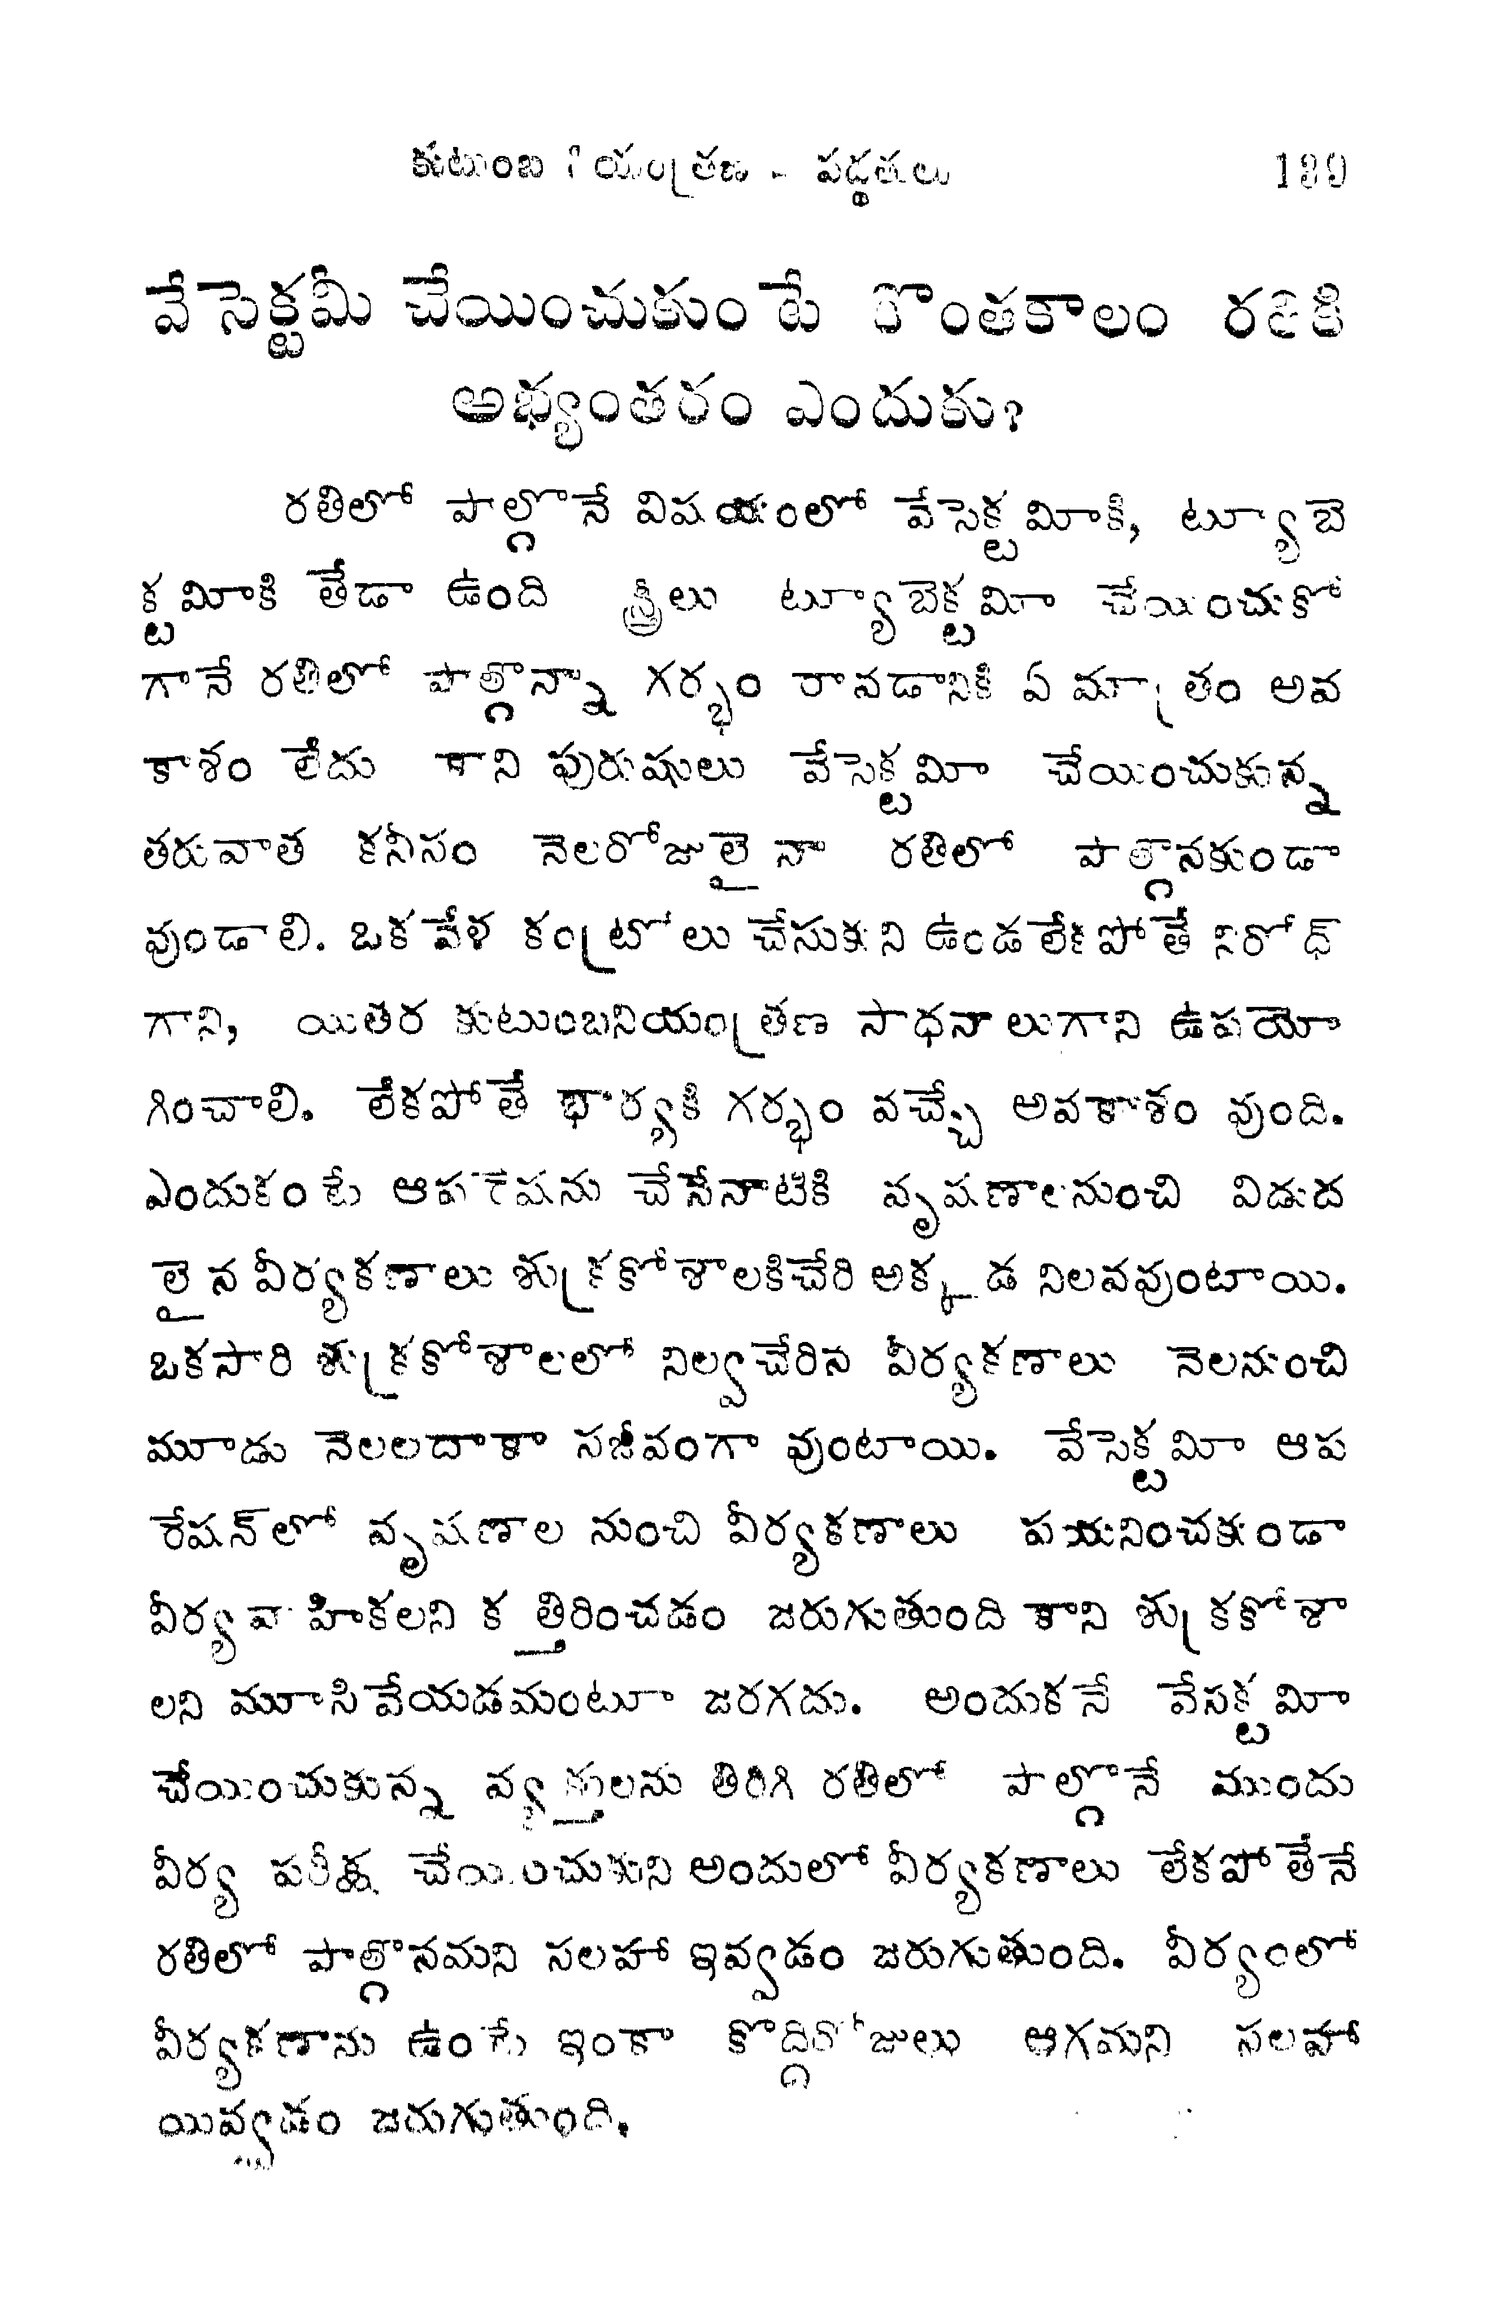రతిలో పాల్గొనె విషయంలో వేసెక్టమీకి, ట్యూబెక్టమీకి తేడా ఉంది. స్త్రీలు ట్యూబెక్టమీ చేయించుకోగానే రతిలోపాల్గొన్నా గర్భం రావడానికి ఏమాత్రం అవకాశం లేదు. కాని పురుష్సులు వేసెక్టమీ చేయించుకున్నతరువాత కనీసం నెలరోజులైనా రతిలో పాల్గొనకుండా వుండాలి. ఒకవేళ కంట్రోలు చేసుకుని ఉండలేకపోతే నిరోద్ గాని, యితర కుటుంబనియంత్రణ సాధనాలుగాని ఉపయోగించాలి. లేకపోతే భార్యకి గర్భం వచ్చే అవకాశం వుంది. ఎందుకంటే ఆపరేషను చేసేనాటికి వృషణాలనుంచి విడుదలైన వీర్యకణాలు శుక్రకోశాలకిచేరి అక్కడ నిలవవుంటాయి. ఒకసారి శుక్రకోశాలలో నిల్వచేరిన వీర్యకణాలు నెలనుంచి మూడు నెలలదాకా సజీవంగా వుంటాయి. వేసెక్టమీ ఆపరేషన్‌లో వృషణాల నుంచి వీర్యకణాలు పయనించకుండా వీర్యవాహికలని కత్తిరించడం జరుగుతుంది కాని శుక్రకోశాలని మూసివేయడమంటూ జరగదు. అందుకనే వేవక్టమీ చేయించుకున్న వ్యక్తులను తిరిగి రతిలో పాల్గొనే ముందు వీర్య పరీక్ష చేయించుకుని అందులో వీర్యకణాలు లేకపోతేనే రతిలో పాల్గొనమని సలహా ఇవ్వడం జరుగుతుంది. వీర్యంలో వీర్యకణాలు ఉంటే ఇంకా కొద్దిరోజులు ఆగమని సలహా యివ్వడం జరుగుతుంది.